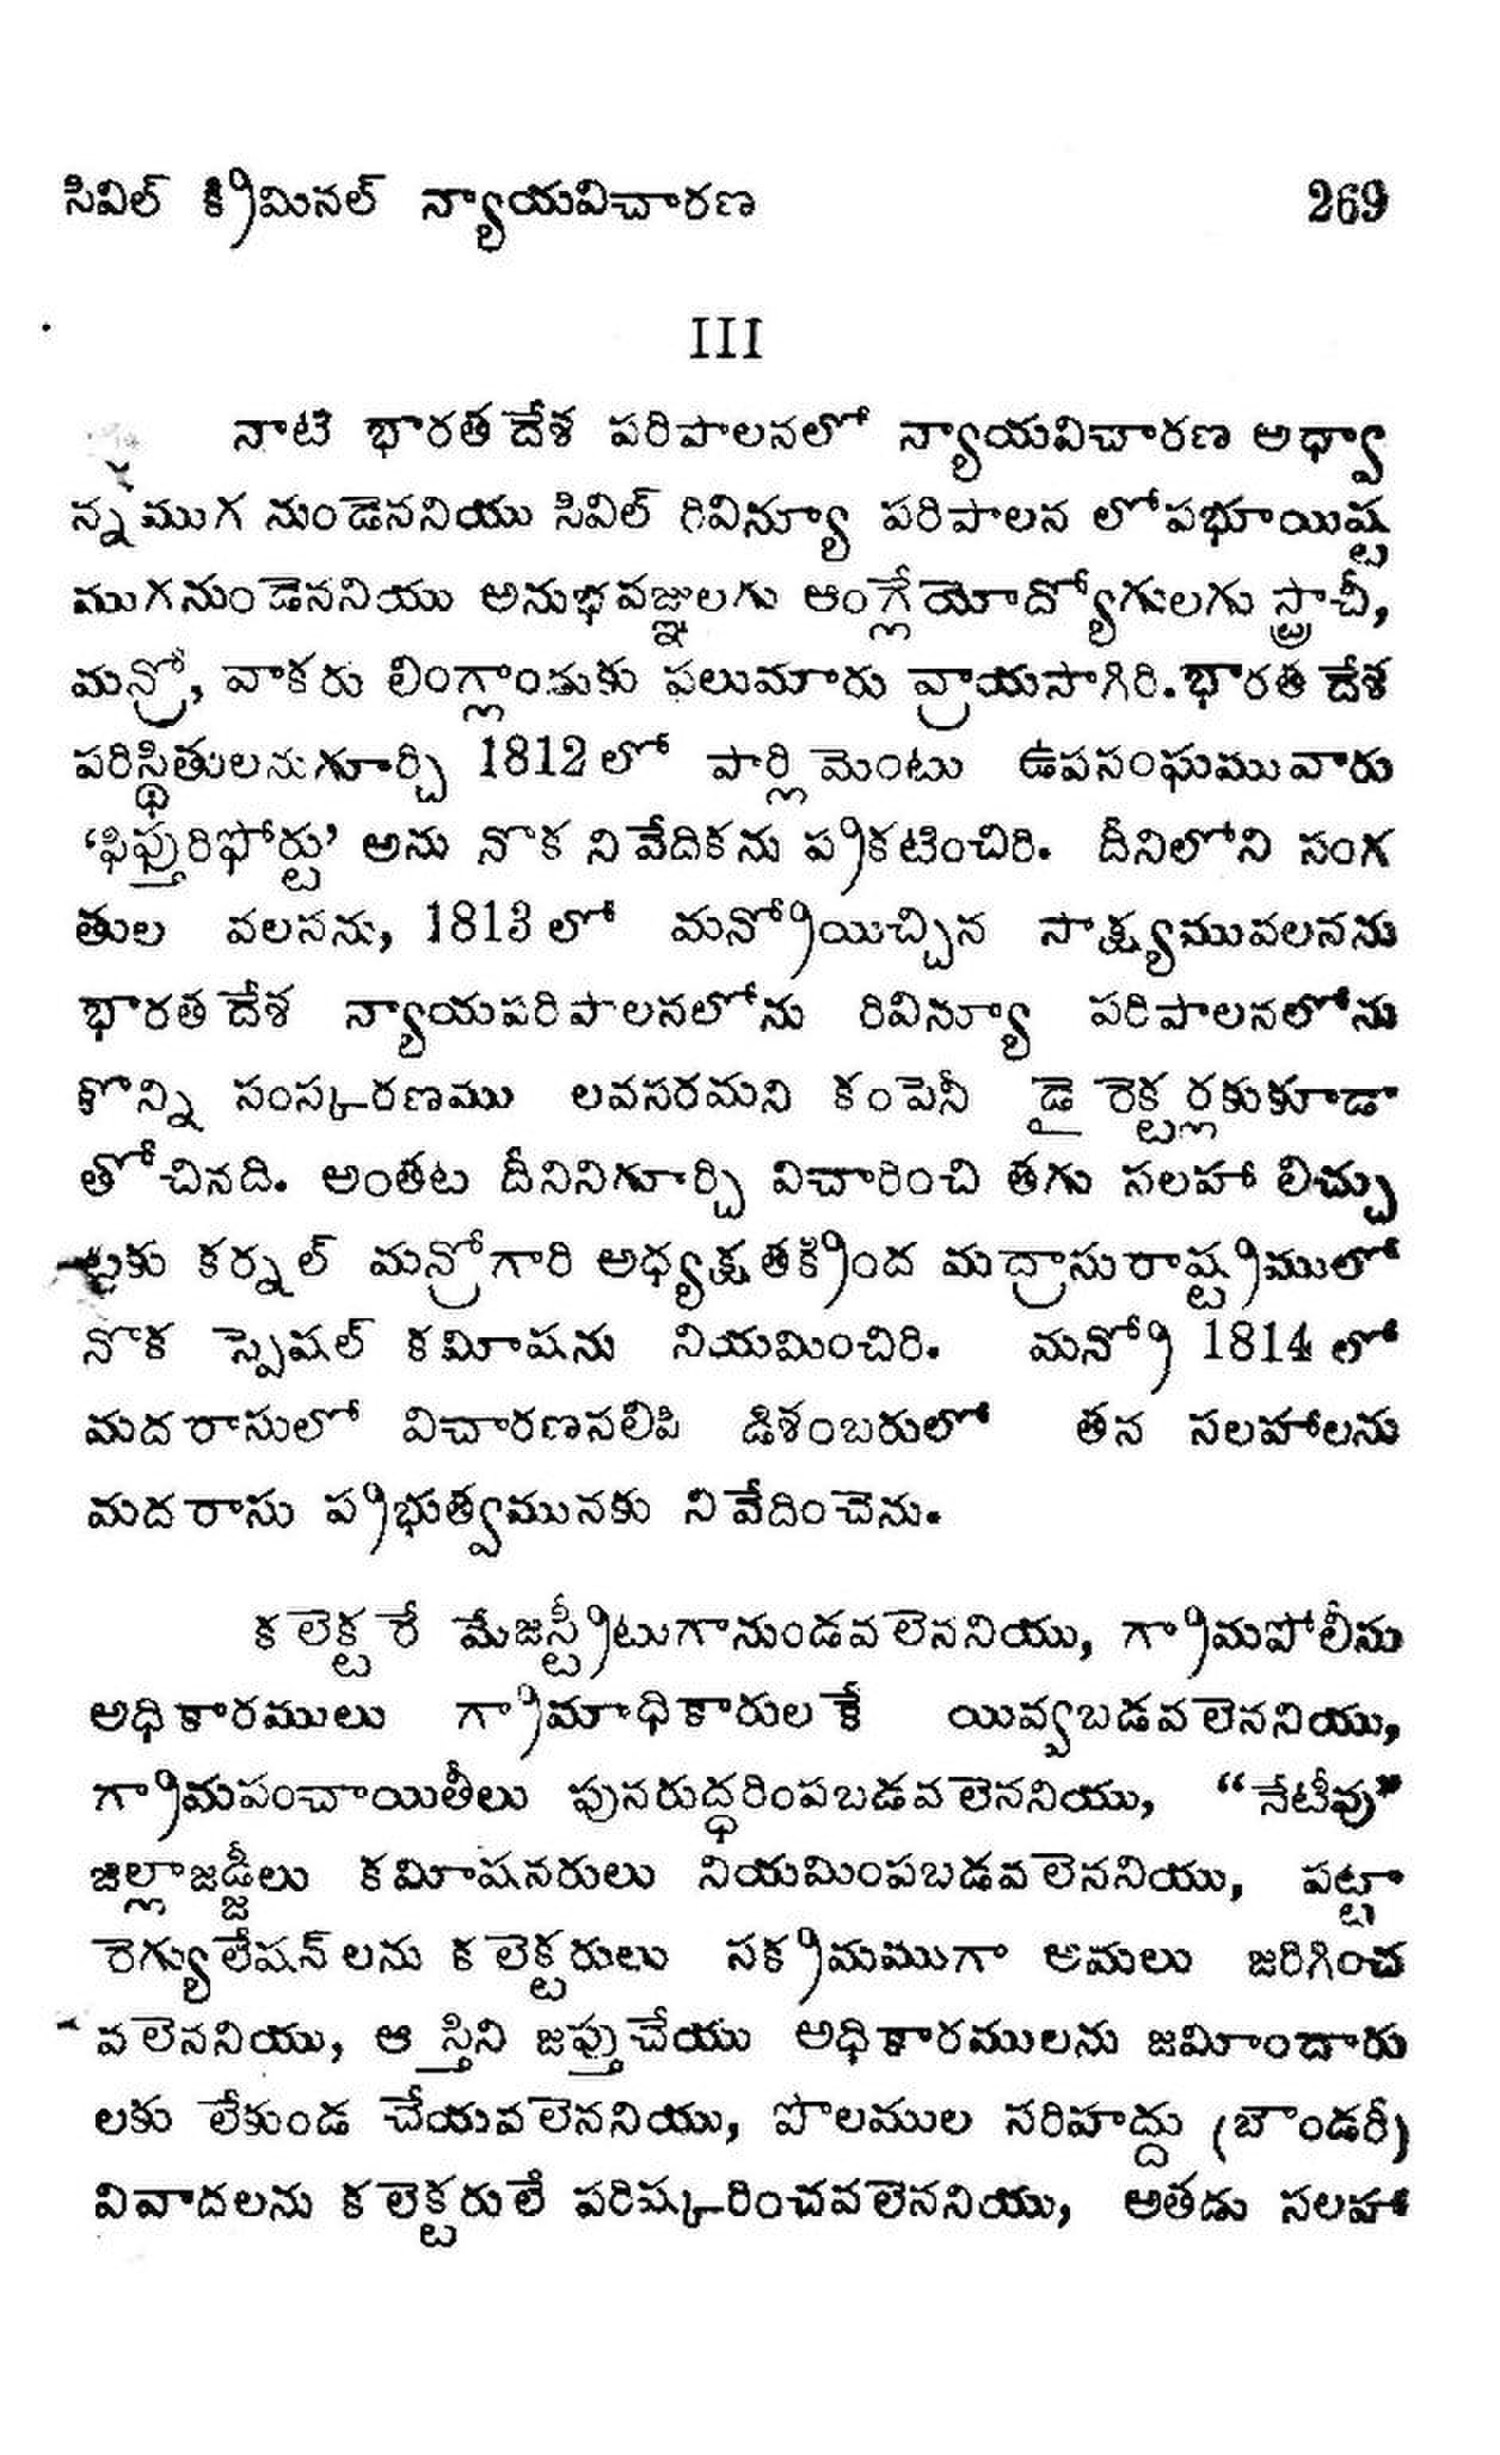III

నాటి భారతదేశ పరిపాలనలో న్యాయవిచారణ అధ్వాన్నముగ నుండెననియు సివిల్ రివిన్యూ పరిపాలన లోపభూయిష్టముగనుండెననియు అనుభవజ్ఞులగు ఆంగ్లేయోద్యోగులగు స్ట్రాచీ, మన్రో, వాకరు లింగ్లాండుకు పలుమారు వ్రాయసాగిరి. భారతదేశ పరిస్థితులనుగూర్చి 1812 లో పార్లిమెంటు ఉపసంఘమువారు ‘ఫిఫ్తురిపోర్టు' అను నొక నివేదికను ప్రకటించిరి. దీనిలోని సంగతుల వలనను, 1813 లో మన్రోయిచ్చిన సాక్ష్యమువలనను భారతదేశ న్యాయపరిపాలనలోను రివిన్యూ పరిపాలనలోను కొన్ని సంస్కరణము లవసరమని కంపెనీ డైరెక్టర్లకు కూడా తోచినది. అంతట దీనిని గూర్చి విచారించి తగు సలహా లిచ్చుటకు కర్నల్ మన్రోగారి అధ్యక్షతక్రింద మద్రాసురాష్ట్రములో నొక స్పెషల్ కమీషను నియమించిరి. మన్రో 1814 లో మదరాసులో విచారణసలిపి డిశంబరులో తన సలహాలను మదరాసు ప్రభుత్వమునకు నివేదించెను.

కలెక్టరే మేజస్ట్రీటుగా నుండవలెననియు, గ్రామపోలీసు అధికారములు గ్రామాధికారులకే యివ్వబడవలెననియు, గ్రామపంచాయితీలు పునరుద్ధరింపబడవలెననియు, "నేటివు” జిల్లాజడ్జీలు కమీషనరులు నియమింపబడవలెననియు, పట్టా రెగ్యులేషన్ లను కలెక్టరులు సమముగా అమలు జరిగించవలెననియు, ఆస్తిని జప్తుచేయు అధికారములను జమీందారులకు లేకుండ చేయవలెననియు, పొలముల సరిహద్దు (బౌండరీ) వివాదలను కలెక్టరులే పరిష్కరించవలెననియు, అతడు సలహా